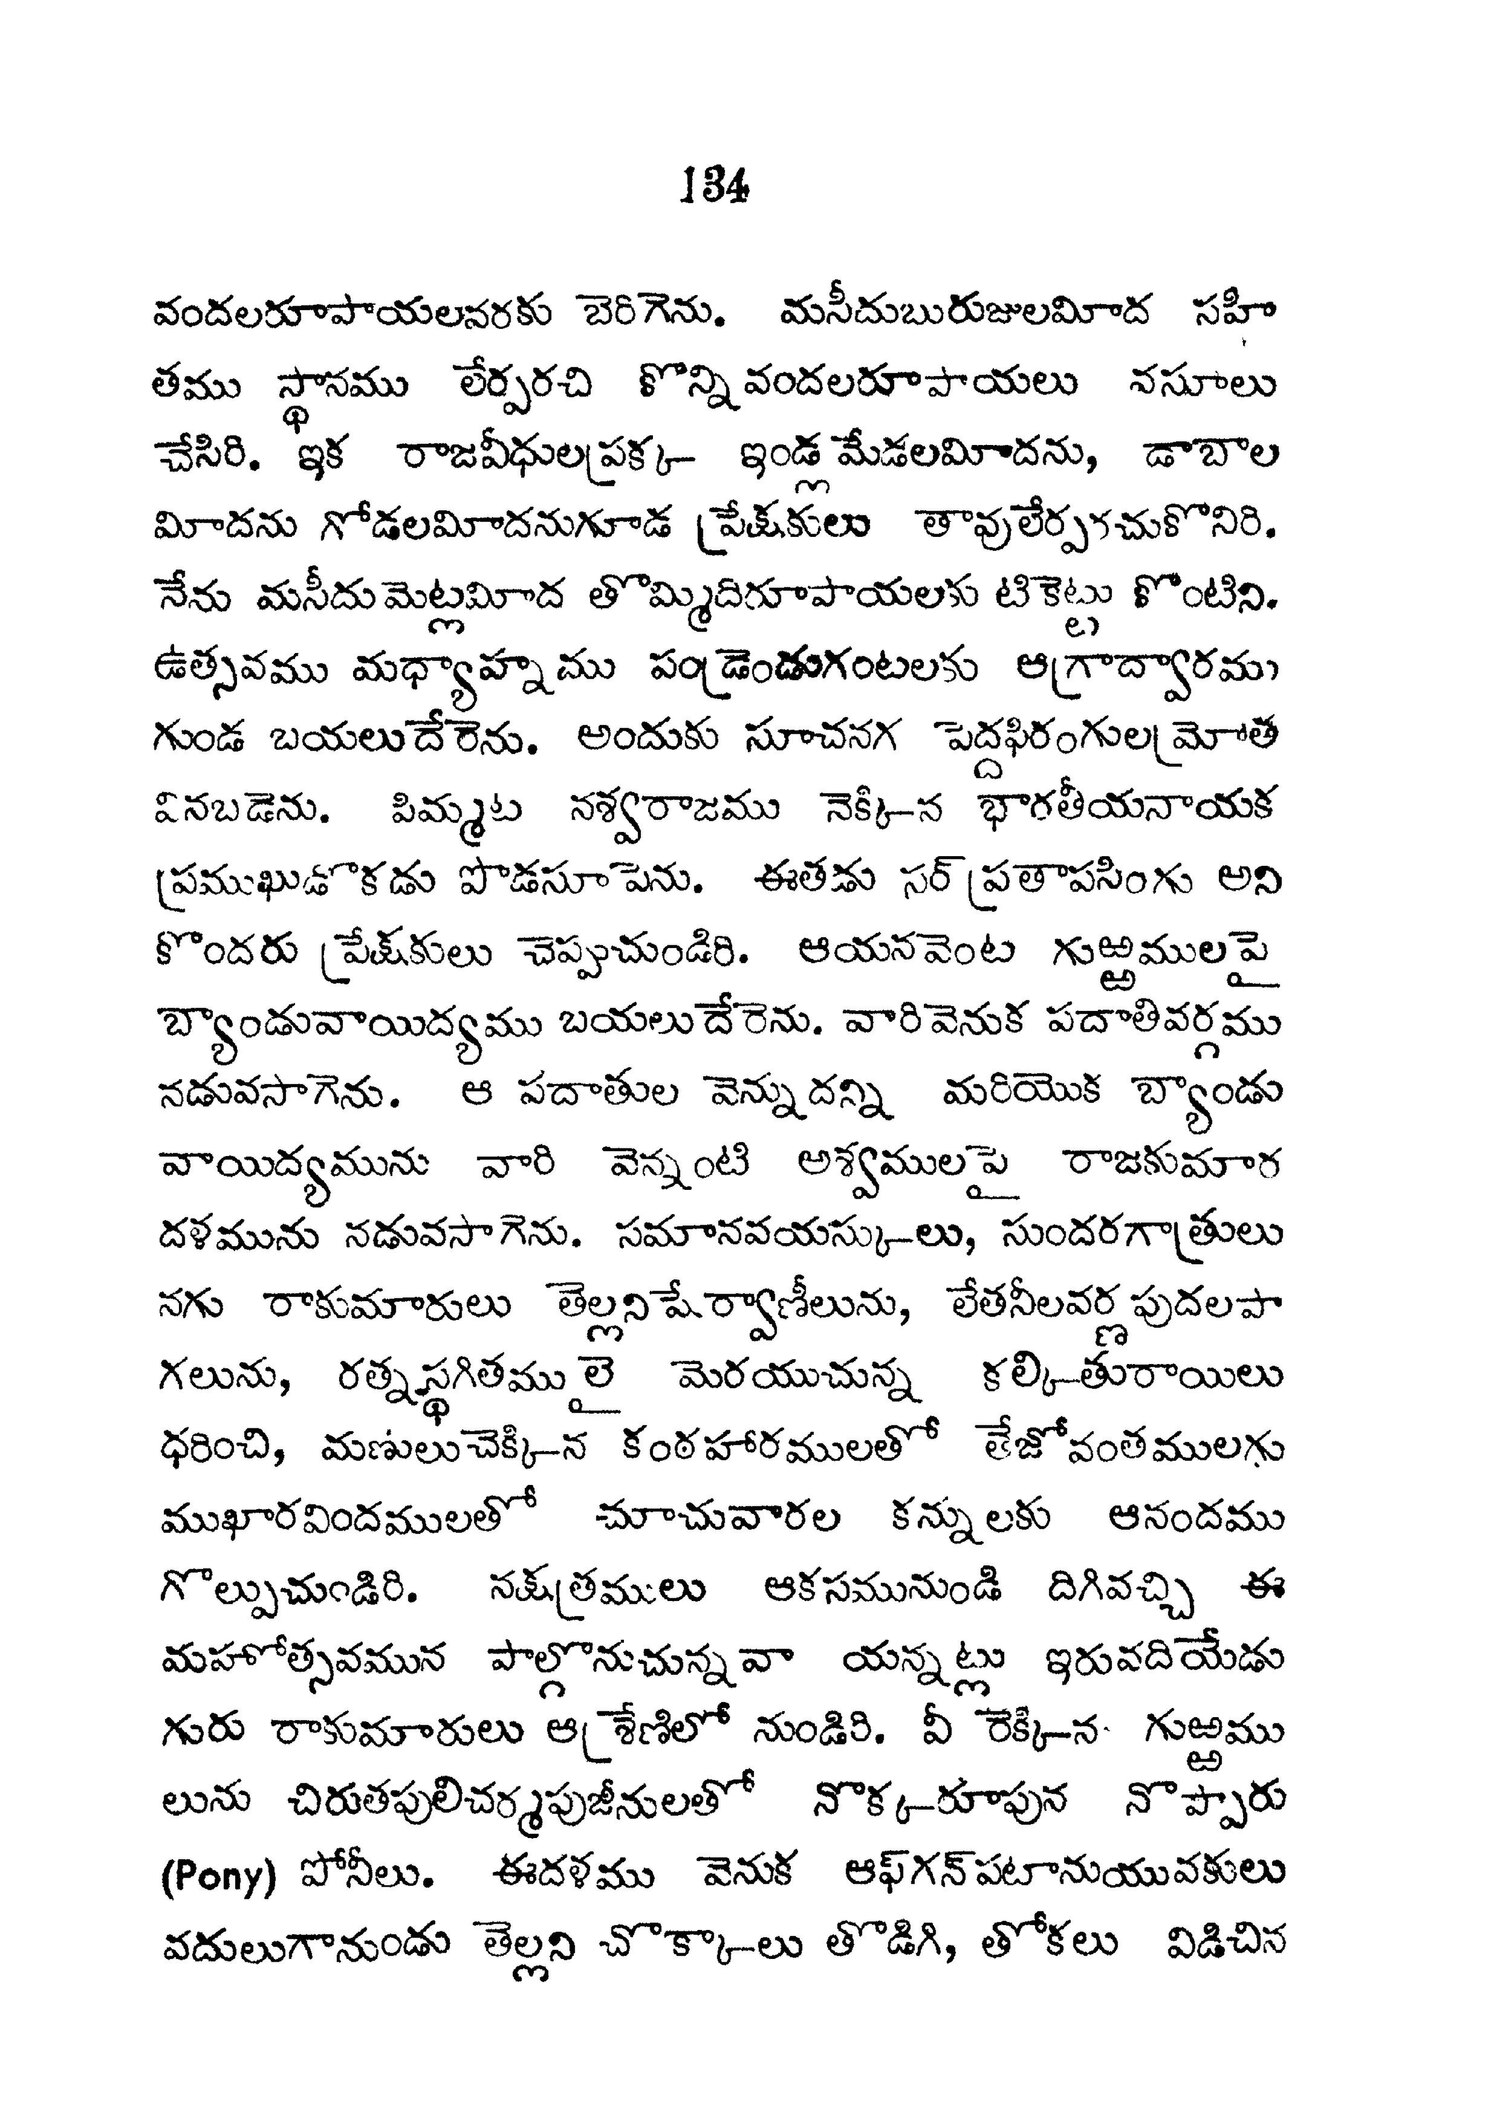వందలరూపాయలవరకు బెరిగెను. మసీదుబురుజులమీద సహితము స్థానము లేర్పరచి కొన్నివందలరూపాయలు వసూలుచేసిరి. ఇక రాజవీధులప్రక్క ఇండ్లమేడలమీదను, డాబాలమీదను గోడలమీదనుగూడ ప్రేక్షకులు తావులేర్పరచుకొనిరి. నేను మసీదుమెట్లమీద తొమ్మిదిరూపాయలకు టిక్కెట్టు కొంటిని. ఉత్సవము మధ్యాహ్నము పండ్రెండుగంటలకు ఆగ్రాద్వారముగుండ బయలుదేరెను. అందుకు సూచనగ పెద్దఫిరంగులమ్రోత వినబడెను. పిమ్మట నశ్వరాజము నెక్కిన భారతీయనాయక ప్రముఖుడొకడు పొడసూపెను. ఈతడు సర్‌ప్రతాపసింగు అని కొందరు ప్రేక్షకులు చెప్పుచుండిరి. ఆయనవెంట గుఱ్ఱములపై బ్యాండువాయిద్యము బయలుదేరెను. వారివెనుక పదాతివర్గము నడువసాగెను. ఆ పదాతుల వెన్నుదన్ని మరియొక బ్యాండు వాయిద్యమును వారి వెన్నంటి అశ్వములపై రాజకుమార దళమును నడువసాగెను. సమానవయస్కులు, సుందరగాత్రులునగు రాకుమారులు తెల్లనిషేర్వాణీలును, లేతనీలవర్ణపుదలపాగలును, రత్నస్థగితములై మెరయుచున్న కల్కితురాయిలు ధరించి మణులుచెక్కిన కంఠహారములతో తేజోవంతములగు ముఖారవిందములతో చూచువారల కన్నులకు ఆనందము గొల్పుచుండిరి. నక్షత్రములు ఆకసమునుండి దిగివచ్చి ఈ మహోత్సవమున పాల్గొనుచున్నవా యన్నట్లు ఇరువదియేడు గురు రాకుమారులు ఆశ్రేణిలో నుండిరి. వీ రెక్కిన గుఱ్ఱములును చిరుతపులిచర్మపుజీనులతో నొక్కరూపున నొప్పారు (Pony) పోనీలు. ఈదళము వెనుక ఆఫ్‌గన్‌పటానుయువకులు వదులుగానుండు తెల్లని చొక్కాలు తొడిగి, తోకలు విడిచిన